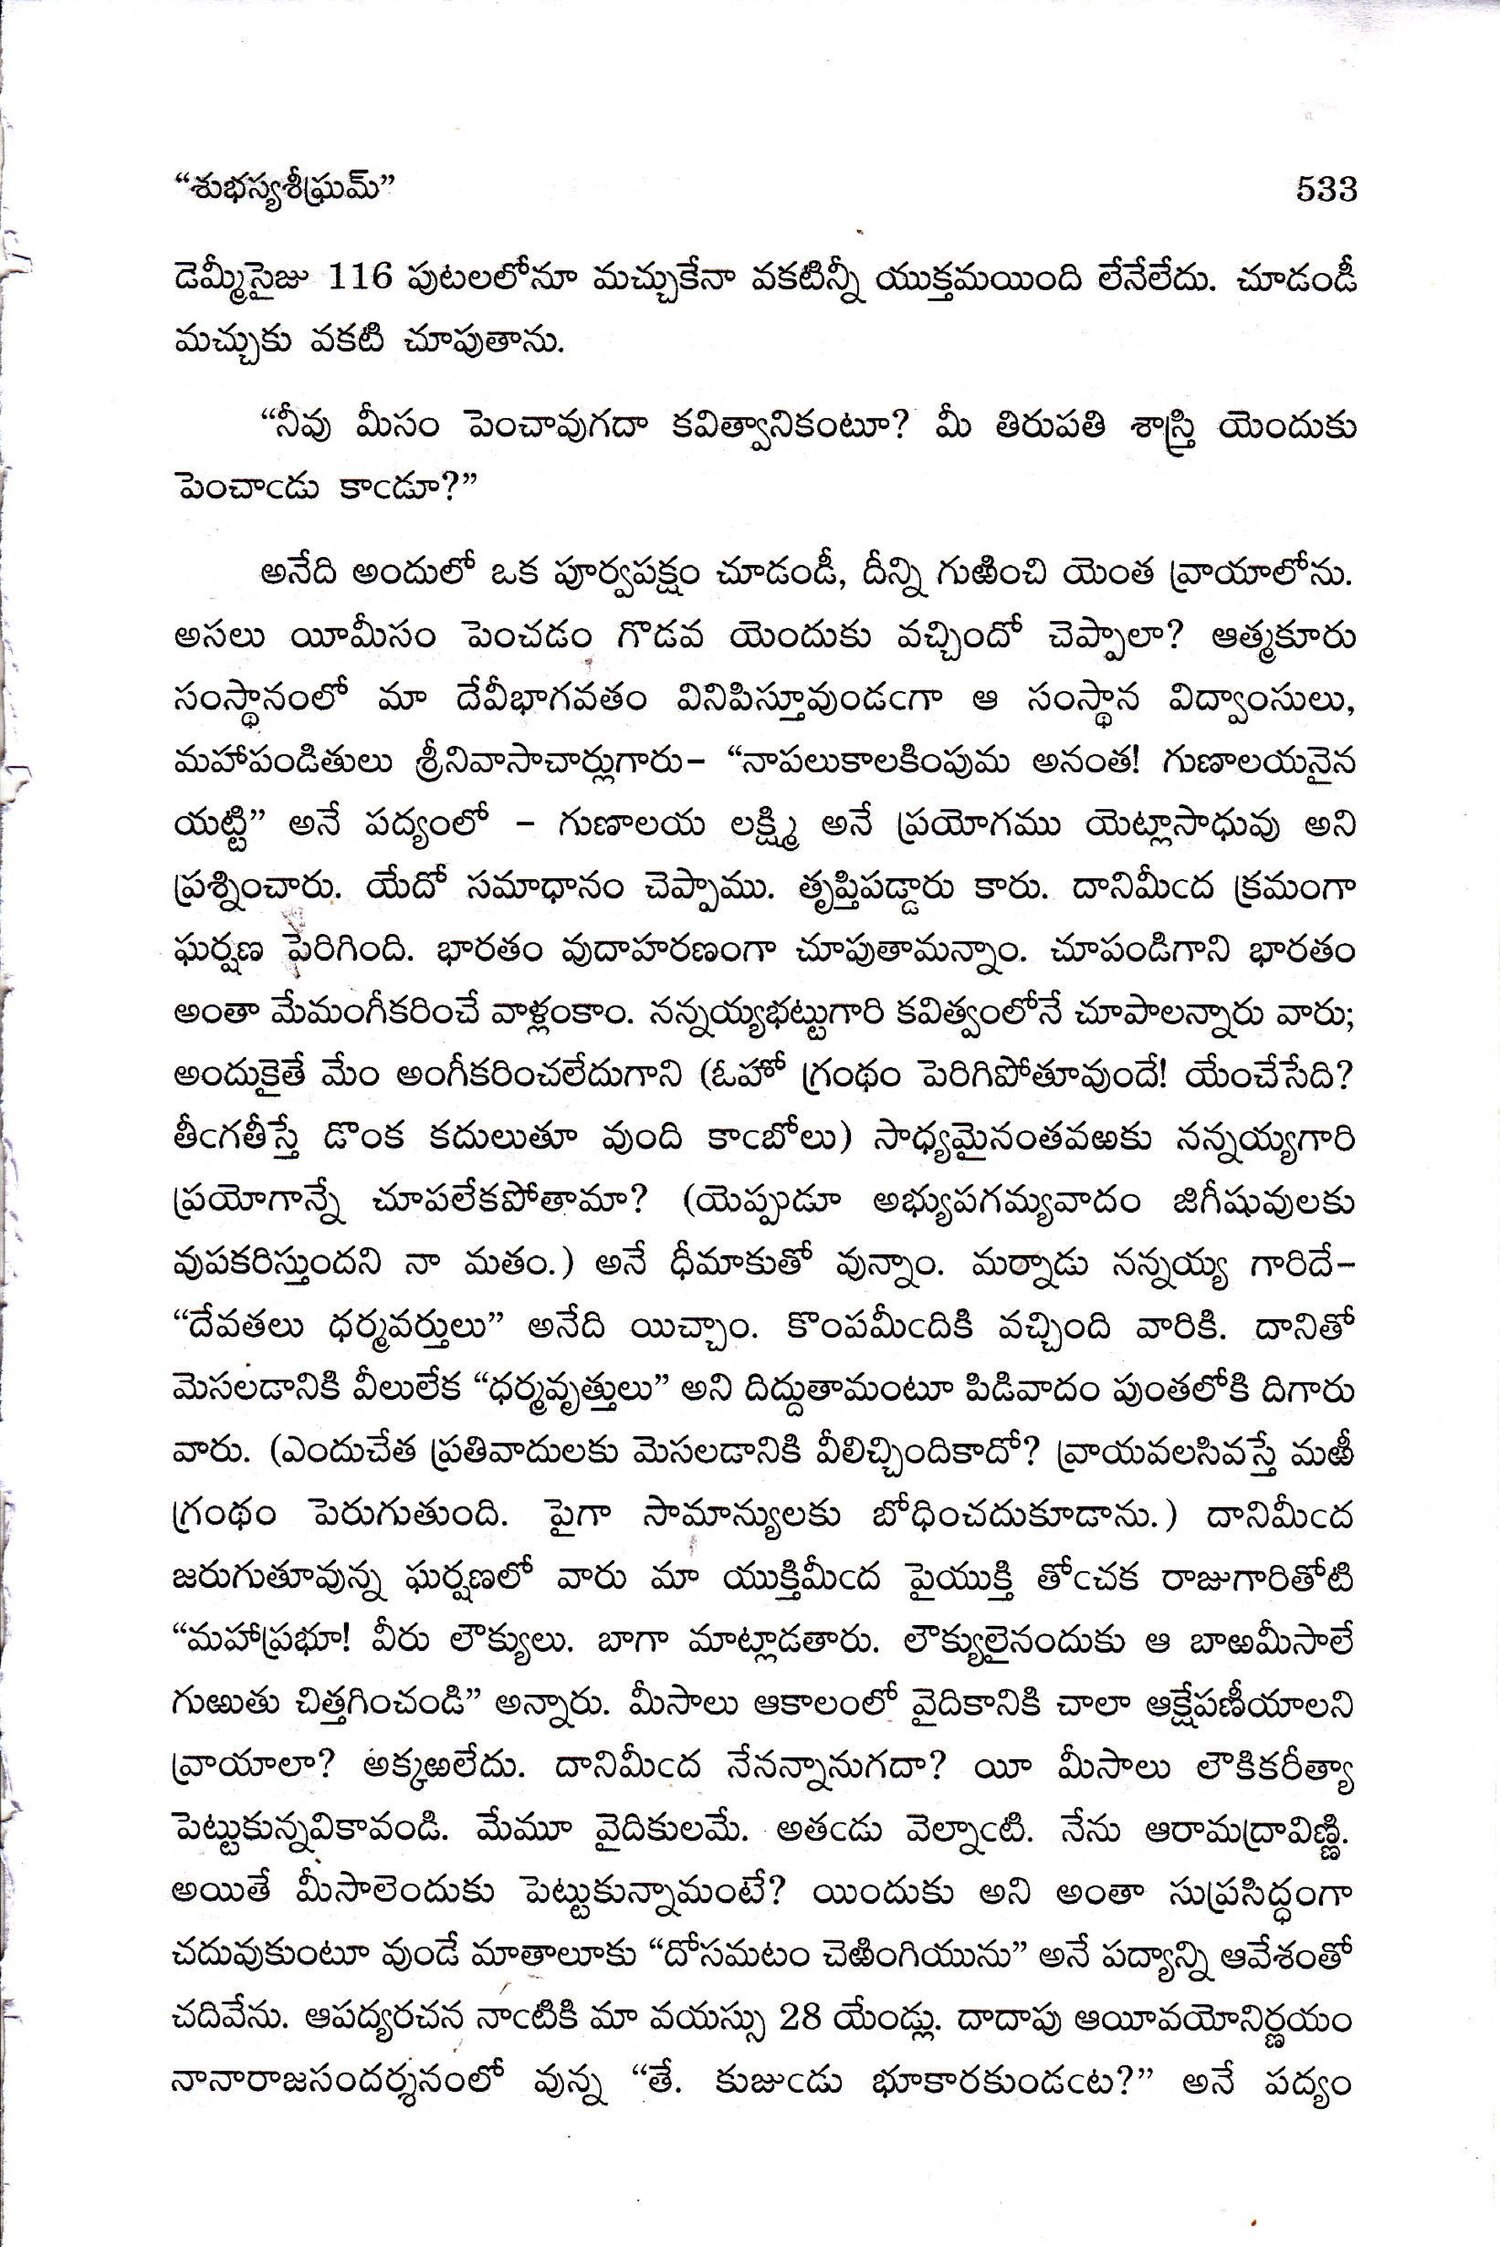డెమ్మీ సైజు 116 పుటలలోనూ మచ్చుకేనా వకటిన్నీ యుక్తమయింది లేనేలేదు. చూడండీ మచ్చుకు వకటి చూపుతాను.

“నీవు మీసం పెంచావుగదా కవిత్వానికంటూ? మీ తిరుపతి శాస్త్రి యెందుకు పెంచాఁడు కాఁడూ?”

అనేది అందులో ఒక పూర్వపక్షం చూడండీ, దీన్ని గుఱించి యెంత వ్రాయాలోను. అసలు యీమీసం పెంచడం గొడవ యెందుకు వచ్చిందో చెప్పాలా? ఆత్మకూరు సంస్థానంలో మా దేవీభాగవతం వినిపిస్తూవుండఁగా ఆ సంస్థాన విద్వాంసులు, మహాపండితులు శ్రీనివాసాచార్లుగారు- “నాపలుకాలకింపుమ అనంత! గుణాలయనైన యట్టి" అనే పద్యంలో - గుణాలయ లక్ష్మి అనే ప్రయోగము యెట్లాసాధువు అని ప్రశ్నించారు. యేదో సమాధానం చెప్పాము. తృప్తిపడ్డారు కారు. దానిమీఁద క్రమంగా ఘర్షణ పెరిగింది. భారతం వుదాహరణంగా చూపుతామన్నాం. చూపండిగాని భారతం అంతా మేమంగీకరించే వాళ్లంకాం. నన్నయ్యభట్టుగారి కవిత్వంలోనే చూపాలన్నారు వారు; అందుకైతే మేం అంగీకరించలేదుగాని (ఓహో గ్రంథం పెరిగిపోతూవుందే! యేంచేసేది? తీఁగతీస్తే డొంక కదులుతూ వుంది కాఁబోలు) సాధ్యమైనంతవఱకు నన్నయ్యగారి ప్రయోగాన్నే చూపలేకపోతామా? (యెప్పుడూ అభ్యుపగమ్యవాదం జిగీషువులకు వుపకరిస్తుందని నా మతం.) అనే ధీమాకుతో వున్నాం. మర్నాడు నన్నయ్య గారిదే “దేవతలు ధర్మవర్తులు" అనేది యిచ్చాం. కొంపమీఁదికి వచ్చింది వారికి. దానితో మెసలడానికి వీలులేక "ధర్మవృత్తులు" అని దిద్దుతామంటూ పిడివాదం పుంతలోకి దిగారు వారు. (ఎందుచేత ప్రతివాదులకు మెసలడానికి వీలిచ్చిందికాదో? వ్రాయవలసివస్తే మఱీ గ్రంథం పెరుగుతుంది. పైగా సామాన్యులకు బోధించదుకూడాను.) దానిమీఁద జరుగుతూవున్న ఘర్షణలో వారు మా యుక్తిమీఁద పైయుక్తి తోఁచక రాజుగారితోటి ‘మహాప్రభూ! వీరు లౌక్యులు. బాగా మాట్లాడతారు. లౌక్యులైనందుకు ఆ బాఱమీసాలే గుఱుతు చిత్తగించండి" అన్నారు. మీసాలు ఆకాలంలో వైదికానికి చాలా ఆక్షేపణీయాలని వ్రాయాలా? అక్కఱలేదు. దానిమీఁద నేనన్నానుగదా? యీ మీసాలు లౌకికరీత్యా పెట్టుకున్నవికావండి. మేమూ వైదికులమే. అతఁడు వెల్నాఁటి. నేను ఆరామద్రావిణ్ణి. అయితే మీసాలెందుకు పెట్టుకున్నామంటే? యిందుకు అని అంతా సుప్రసిద్ధంగా చదువుకుంటూ వుండే మాత్రాలూకు “దోసమటం చెఱింగియును" అనే పద్యాన్ని ఆవేశంతో చదివేను. ఆపద్యరచన నాఁటికి మా వయస్సు 28 యేండ్లు దాదాపు ఆయీవయోనిర్ణయం నానారాజసందర్శనంలో వున్న “తే, కుజుఁడు భూకారకుండఁట?” అనే పద్యం